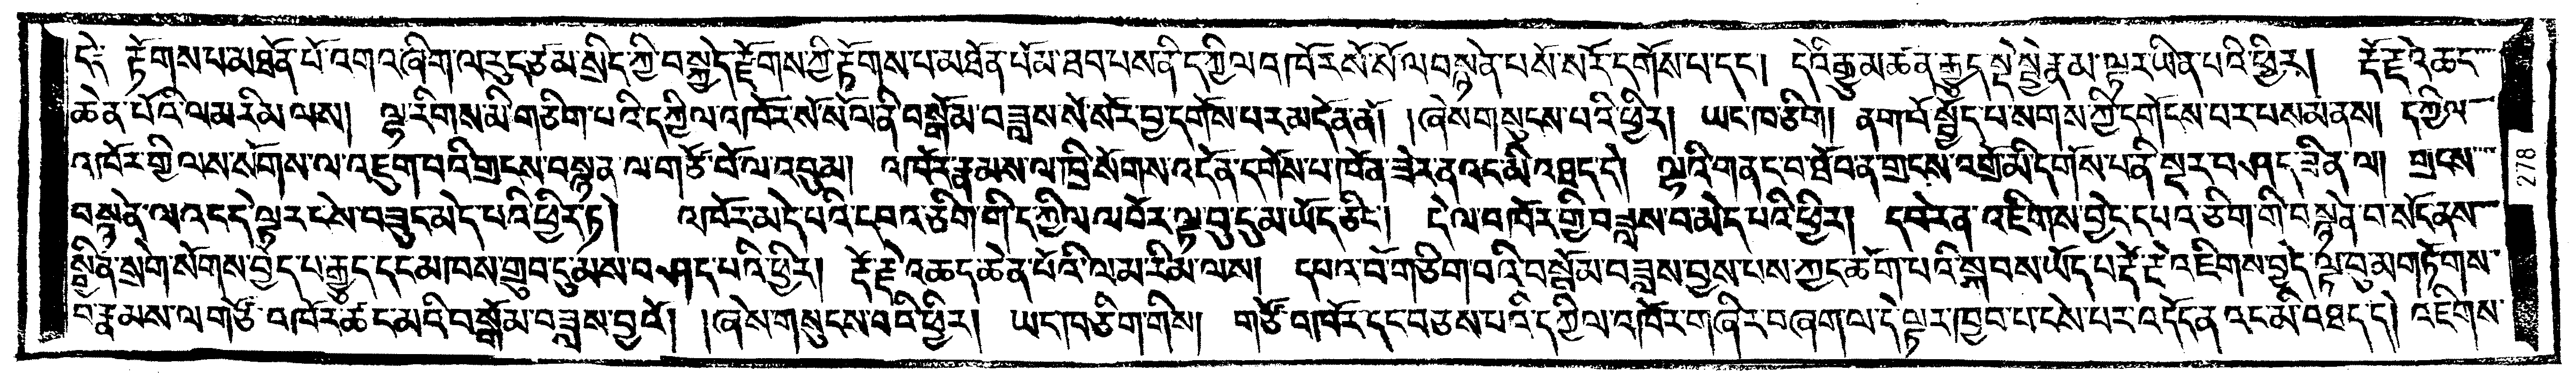དེ༑ རྟོགས་པ་མཐོན་པོ་འགའ་ཞིག་ལ་རུང་ཙམ་སྲིད་ཀྱི་བསྐྱེད་རྫོགས་ཀྱི་རྟོགས་པ་མཐོན་པོ་མ་ཐབ་པས་ནི་དཀྱིལ་འཁོར་སོ་སོ་ལ་བསྙེན་པ་སོ་སོར་དགོས་པ་དང་། དེའི་རྒྱུ་མཚན་རྒྱུད་སྡེ་སྤྱི་རྣམ་ལྟར་ཡིན་པའི་ཕྱིར། རྡོ་རྗེ་འཆང་
ཆེན་པོའི་ལམ་རིམ་ལས། ལྷ་རིགས་མི་གཅིག་པའི་དཀྱིལ་འཁོར་སོ་སོ་ལ་ནི་བསྒོམ་བཟླས་སོ་སོར་བྱ་དགོས་པར་མངོན་ནོ། །ཞེས་གསུངས་པའི་ཕྱིར། ཡང་ཁ་ཅིག། ནག་པོ་སྤྱོད་པ་སགས་ཀྱི་དགོངས་པར་བསམ་ནས། དཀྱིལ་
འཁོར་གྱི་ལས་སོགས་ལ་འཇུག་པའི་གྲངས་བསྙན་ལ་གཙོ་བོ་ལ་འབུམ། འཁོར་རྣམས་ལ་ཁྲི་སོགས་འདོན་དགོས་པ་ཁོ་ན་ཟེར་ནའང་མི་འཐད་དེ། ལྷའི་གནང་བ་ཐོབ་ན་གྲངས་འགྲོ་མི་དགོས་པ་ནི་སྔར་བཤད་ཟིན་ལ། གྲངས་
བསྙེན་ལའང་དེ་ལྟར་ངེས་བཟུང་མེད་པའི་ཕྱིར་ཏེ། འཁོར་མེད་པའི་དཔའ་ཅིག་གི་དཀྱིལ་འཁོར་ལྟ་བུ་དུ་མ་ཡོད་ཅིང་། དེ་ལ་འཁོར་གྱི་བཟླས་པ་མེད་པའི་ཕྱིར། དཔེར་ན་འཇིགས་བྱེད་དཔའ་ཅིག་གི་བསྙེན་པ་སོང་ནས་
སྦྱིན་སྲེག་སོགས་བྱེད་པ་རྒྱུད་དང་མཁས་གྲུབ་དུ་མས་བཤད་པའི་ཕྱིར། རྡོ་རྗེ་འཆང་ཆེན་པོའི་ལམ་རིམ་ལས། དཔའ་བོ་གཅིག་པའི་བསྒོམ་བཟླས་བྱས་པས་ཀྱང་ཆོག་པའི་སྐབས་ཡོད་པ་རྡོ་རྗེ་འཇིགས་བྱེད་ལྟ་བུ་མ་གཏོགས་
བ་རྣམས་ལ་གཙོ་འཁོར་ཚད་མའི་བསྒོམ་བཟླས་བྱའོ། །ཞེས་གསུངས་བའི་ཕྱིར། ཡང་ཁ་ཅིག་གིས། གཙོ་འཁོར་དང་བཅས་པའི་དཀྱིལ་འཁོར་གཞིར་བཞག་ལ་དེ་ལྟར་ཁྱབ་པ་ངེས་པར་འདོད་ནའང་མི་འཐད་དེ། འཇིགས་